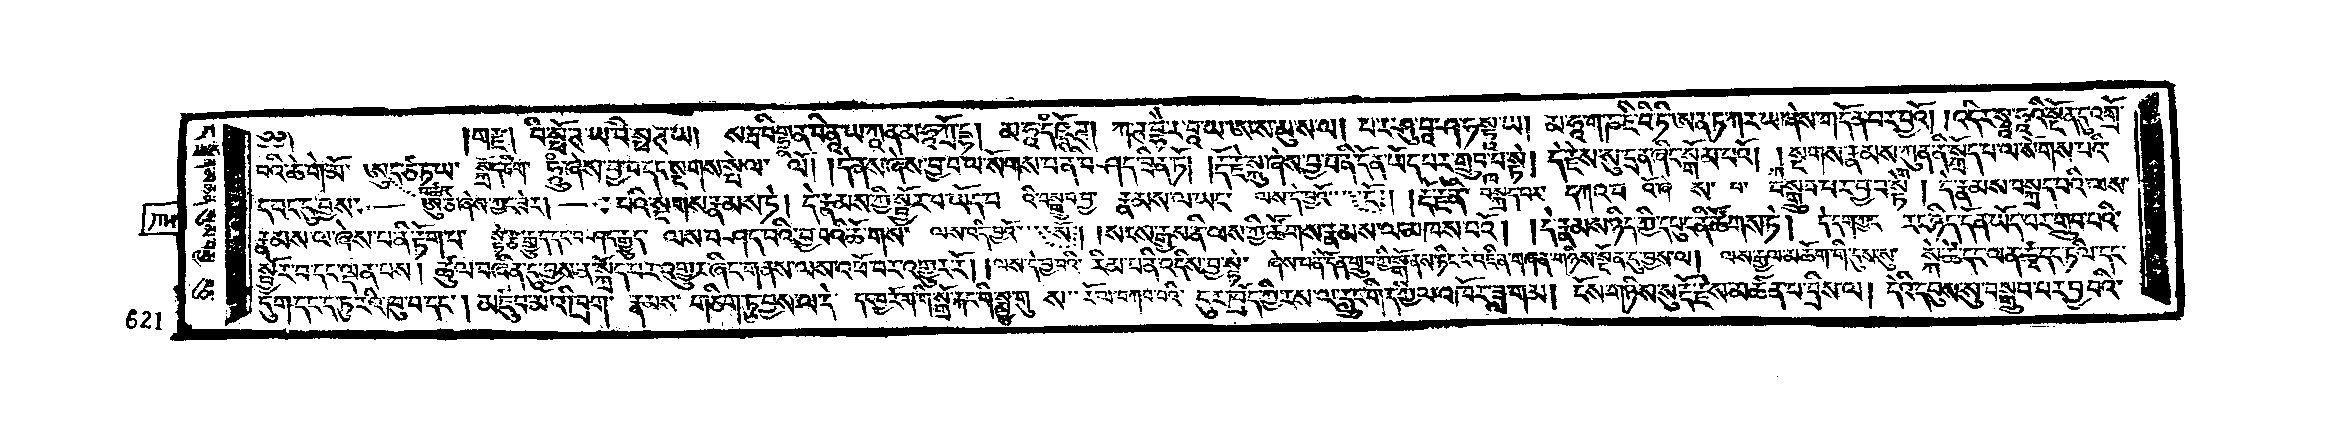༄༅། །གརྫ། བི་སྥོ་ཊ་ཡ་བི་སྥོ་ཊ་ཡ། སརྦ་བིགྷྣན་བི་ནཱ་ཡ་ཀཱ་ན་མ་ཧཱ་ཀྲོ་དྷ། མ་ཧཱ་དཾ་ཥOཊ། ཀ་ཊ་བྷཻ་ར་བཱ་ཡ་ཨ་ས་མུ་ས་ལ། པ་ར་ཤུ་པཱ་ཤ་ཧ་སྟཱ་ཡ། མ་ཧཱ་ག་ཎ་ཛི་བི་ཏི་ཨན་ཏ་ཀ་ར་ཡ་ཞེས་གདོན་པར་བྱའོ། །འདིར་སྭཱ་ཧཱའི་སྔོན་དུ་འགྲོ་
བའི་ཆེ་གེ་མོ་ཨུད་ཙ་ཏ་ཡ་སྐྲོད་ཅིག་ཧཱུཾ་ཞེས་བྱ་བ་དང་སྔགས་སྤེལ་ལོ། །དེ་ནས་ཞེས་བྱ་བ་ལ་སོགས་པ་ནི་བཤད་ཟིན་ཏོ། །རྡོ་རྗེ་སྐུ་ཞེས་བྱ་བ་ནི་དོན་ཡོད་པར་གྲུབ་པ་སྟེ། དེ་རྗེས་སུ་དྲན་ཞིང་སྒོམ་པའོ། །སྔགས་རྣམས་ཀུན་ནི་སྐྲོད་པ་ལ་སོགས་པའི་
དབང་དུ་བྱསཿ་པ་ཚབ་ཨུ་ཙ་ཞེས་ཀྱང་ཟེར།  .Hཔའི་སྔགས་རྣམས་ཏེ། དེ་རྣམས་ཀྱི་སྦྱོར་བ་ཡོད་པའི་བསྒྲུབ་བྱ་རྣམས་ལ་ཡང་ལས་དེ་བྱའོ་ངོ། །རྡོ་རྗེ་ནི་ཁ་བསྐྲད་པར་དཀའ་བའོ་ཞེས་པ་ཀ་བསྒྲུབ་པར་བྱ་བ་སྟེ། ག་དེ་རྣམས་བསྐྲད་པའི་ལས་
རྣམས་ལ་ཞེས་པ་ནི་རྟོག་པ་སྟེ་རྒྱུད་དང་བཤད་རྒྱུད་ལས་བཤད་པའི་བྱ་བའི་ཆོ་གས་ལས་འདི་བྱའོ་སོ། །སངས་རྒྱས་ནི་ལས་ཀྱི་ཚོགས་རྣམས་ལ་མཁས་པའོ། །དེ་རྣམས་ཉིད་ཀྱི་དཔུང་ནི་ཚོགས་ཏེ། དེ་དག་ཀྱང་རང་ཉིད་དོན་ཡོད་པར་གྲུབ་པའི་
སྦྱོར་བ་དང་ལྡན་པས། ཚུལ་བཞིན་དུ་བྱས་ན་སྐྲོད་པར་འགྱུར་ཞིང་གནས་ལས་འཕོ་བར་འགྱུར་རོ། །ལས་དེ་བྱ་བའི་རིམ་པ་ནི་འདིས་བྱ་སྟེ་ཞེས་པ་ནི་དོན་གྲུབ་ཀྱི་སྒོ་ནས་ཏིང་ངེ་འཛིན་གཞན་གཉིས་སྔོན་དུ་བྱས་ལ། ལས་རྒྱལ་མཆོག་གི་དུས་སུ་སྐེ་ཚེ་དང་ལན་ཚྭ་དང་ཏིལ་དང་
དུག་དང་ད་ཏུ་རའི་ཁུ་བ་དང་། མཛུབ་མོའི་ཁྲག་རྣམས་གཅིག་ཏུ་བྱས་ལ་དེ་དང་བྱ་རོག་གི་སྒྲོ་རྐང་གི་སྨྱུ་གུས་རོལ་བཀབ་པའི་ངུར་ཁྲོད་ཀྱི་རས་ལ་རླུང་གི་དཀྱིལ་འཁོར་ཟླ་གམ། ངོས་གཉིས་སུ་རྡོ་རྗེས་མཚན་པ་བྲིས་ལ། དེའི་དབུས་སུ་བསྒྲུབ་པར་བྱ་བའི་